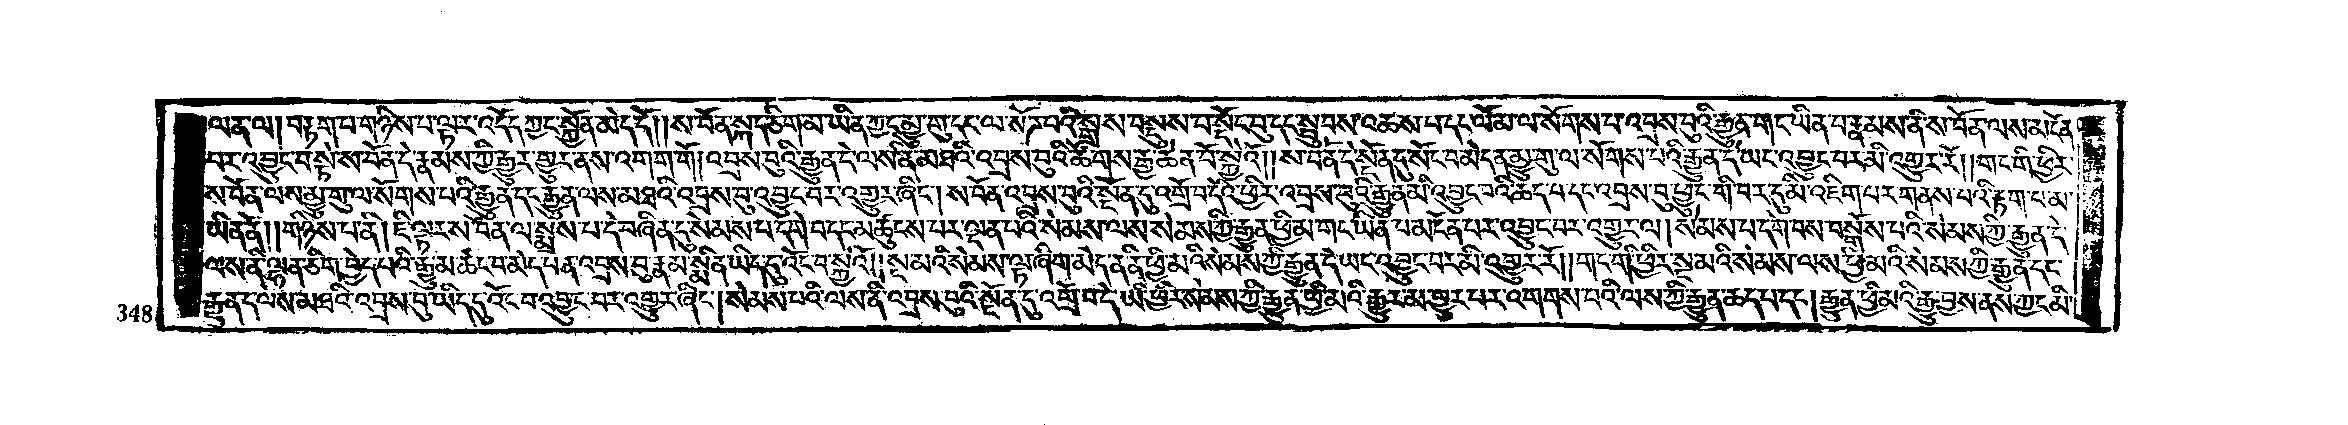ལན་ལ། བརྟག་པ་གཉིས་པ་ལྟར་འདོད་ཀྱང་སྐྱོན་མེད་དོ། །ས་བོན་སྐད་ཅིག་མ་ཡིན་ཀྱང་མྱུ་གུ་དང་ལ་སོཌ་པའི་སྒྲས་བསྡུས་པ་སྡོང་བུ་དང་སྦུབས་འཆས་པ་དང་ལོ་མ་ལ་སོགས་པ་འབྲས་བུའི་རྒྱུན་གང་ཡིན་པ་རྣམས་ནི་ས་བོན་ལས་མངོན་
པར་འབྱུང་བ་སྟེ་ས་བོན་དེ་རྣམས་ཀྱི་རྒྱུར་གྱུར་ནས་འགག་གོ །འབྲས་བུའི་རྒྱུན་དེ་ལས་ནི་མཐའི་འབྲས་བུའི་ཚོགས་རྒྱ་ཆེན་པོ་སྐྱེའོ། །ས་བོན་དེ་སྔོན་དུ་སོང་བ་མེད་ན་མྱུ་གུ་ལ་སོགས་པའི་རྒྱུན་དེ་ཡང་འབྱུང་བར་མི་འགྱུར་རོ། །གང་གི་ཕྱིར་
ས་བོན་ལས་མྱུ་གུ་ལ་སོགས་པའི་རྒྱུན་དང་རྒྱུན་ལས་མཐའི་འབྲས་བུ་འབྱུང་བར་འགྱུར་ཞིང་། ས་བོན་འབྲས་བུའི་སྔོན་དུ་འགྲོ་བ་དེའི་ཕྱིར་འབྲས་བུའི་རྒྱུན་མི་འབྱུང་བའི་ཆད་པ་དང་འབྲས་བུ་ཕྱུང་གི་བར་དུ་མི་འཇིག་པར་གནས་པའི་རྟག་པ་མ་
ཡིན་ནོ། །གཉིས་པ་ནི། ཇི་ལྟར་ས་བོན་ལ་སྨྲས་པ་དེ་བཞིན་དུ་སེམས་པ་དགེ་བ་དང་མཚུངས་པར་ལྡན་པའི་སེམས་ལས་སེམས་ཀྱི་རྒྱུན་ཕྱི་མ་གང་ཡིན་པ་མངོན་པར་འབྱུང་བར་འགྱུར་ལ། སེམས་པ་དགེ་བས་བསྒོས་པའི་སེམས་ཀྱི་རྒྱུན་དེ་
ལས་ནི་ལྷན་ཅིག་བྱེད་པའི་རྒྱུ་མ་ཚང་བ་མེད་པ་ན་འབྲས་བུ་རྣམ་སྨིན་ཡིད་དུ་འོང་བ་སྐྱེའོ། །སྔ་མའི་སེམས་ལྟ་ཞིག་མེད་ན་ནི་ཕྱི་མའི་སེམས་ཀྱི་རྒྱུན་དེ་ཡང་འབྱུང་བར་མི་འགྱུར་རོ། །གང་གི་ཕྱིར་སྔ་མའི་སེམས་ལས་ཕྱི་མའི་སེམས་ཀྱི་རྒྱུན་དང་
རྒྱུན་ད་ལས་མཐའི་འབྲས་བུ་ཡིད་དུ་འོང་བ་འབྱུང་བར་འགྱུར་ཞིང་། སེམས་པའི་ལས་ནི་འབྲས་བུའི་སྔོན་དུ་འགྲོ་བ་དེ་ཡི་ཕྱིར་སེམས་ཀྱི་རྒྱུན་ཕྱི་མའི་རྒྱུར་མ་གྱུར་པར་འགགས་པའི་ལས་ཀྱི་རྒྱུན་ཆད་པ་དང་། རྒྱུན་ཕྱི་མའི་རྒྱུ་བྱས་ནས་ཀྱང་མི་